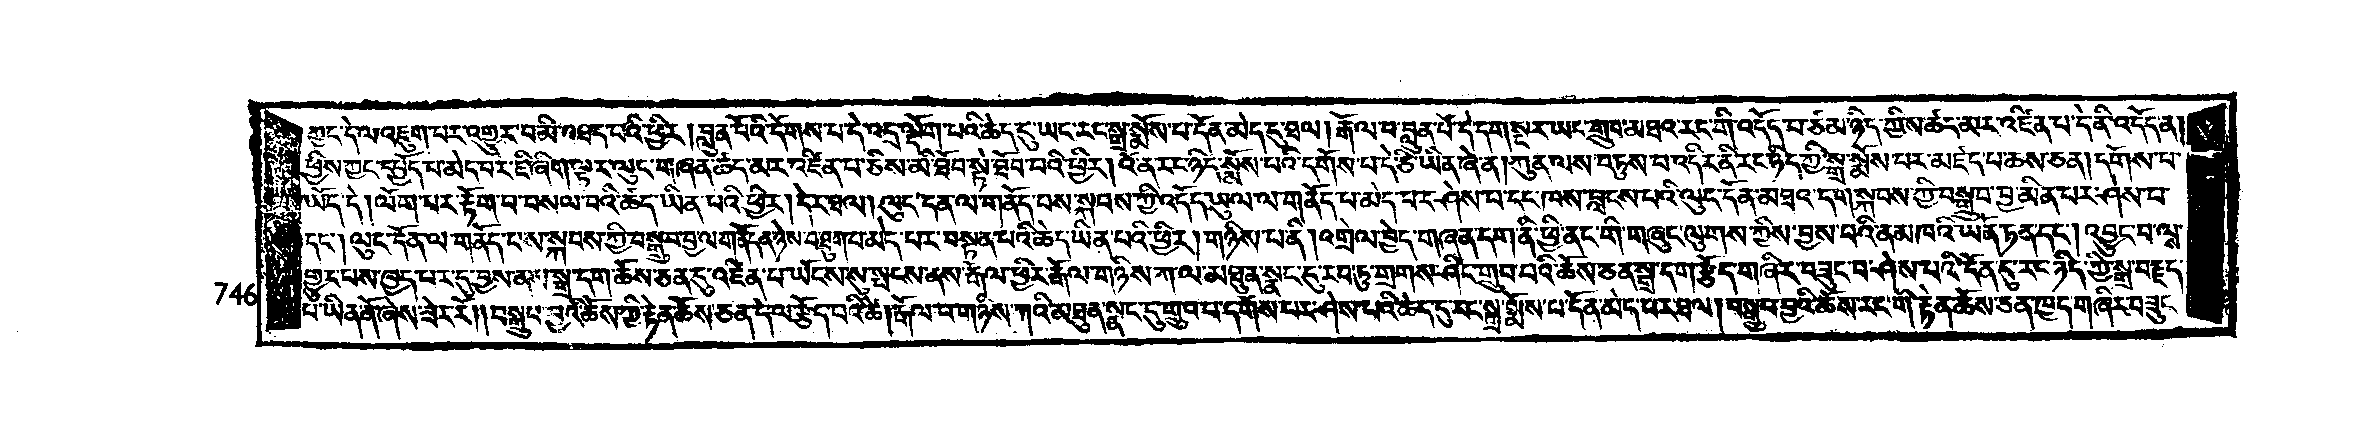ཀྱང་དེ་ལ་འཇུག་པར་འགྱུར་བ་མི་འཐད་པའི་ཕྱིར། བླུན་པོའི་དོགས་པ་དེ་འདྲ་ལྡོག་པའི་ཆེད་དུ་ཡང་རང་སྒྲ་སྨོས་པ་དོན་མེད་དུ་ཐལ། རྒོལ་བ་བླུན་པོ་དེ་དག་སྔར་ཡང་གྲུབ་མཐའ་རང་གི་འདོད་པ་ཙམ་ཉིད་ཀྱིས་ཚད་མར་འཛིན་པ་དེ་ནི་འདོད་ན།
ཕྱིས་ཀྱང་དཔྱོད་པ་མེད་པར་ཇི་ཞིག་ལྟར་ལུང་གཞན་ཚད་མར་འཛིན་པ་ཅིས་མི་ཐོབ་སྟེ་ཐོབ་པའི་ཕྱིར། འོ་ན་རང་ཉིད་སྨོས་པའི་དགོས་པ་དེ་ཅི་ཡིན་ཞེ་ན། ཀུན་ལས་བཏུས་པ་འདིར་ནི་རང་ཉིད་ཀྱི་སྒྲ་སྨོས་པར་མཛད་པ་ཆོས་ཅན། དགོས་པ་
ཡོད་དེ། ལོག་པར་རྟོག་པ་བསལ་བའི་ཚད་ཡིན་པའི་ཕྱིར། དེར་ཐལ། ལུང་དོན་ལ་གནོད་པས་སྐབས་ཀྱི་འདོད་ཡུལ་ལ་གནོད་པ་མེད་པར་ཤེས་པ་དང་ཁས་བླངས་པའི་ལུང་དོན་མཐའ་དག་སྐབས་ཀྱི་བསྒྲུབ་བྱ་མིན་པར་ཤེས་པ་
དང་། ལུང་དོན་ལ་གནོད་པས་སྐབས་ཀྱི་བསྒྲུབ་བྱ་ལ་གནོད་ན་ཉེས་པ་ཐུག་པ་མེད་པར་བསྟན་པའི་ཆེད་ཡིན་པའི་ཕྱིར། གཉིས་པ་ནི། འགྲེལ་བྱེད་གཞན་དག་ནི་ཕྱི་ནང་གི་གཞུང་ལུགས་ཀྱིས་བྱས་པའི་ནམ་མཁའི་ཡོན་ཏན་དང་། འབྱུང་བ་ལས་
གྱུར་པས་ཁྱད་པར་དུ་བྱས་ནས་སྒྲ་དག་ཆོས་ཅན་དུ་འཛིན་པ་ཡོངས་སུ་སྤངས་ནས་རྒོལ་ཕྱིར་རྒོལ་གཉིས་ཀ་ལ་མཐུན་སྣང་དུ་རབ་ཏུ་གྲགས་ཤིང་གྲུབ་པའི་ཆོས་ཅན་སྒྲ་དག་རྩོད་གཞིར་བཟུང་བ་ཤེས་པའི་དོན་དུ་རང་ཉིད་ཀྱི་སྒྲ་བརྗོད་
པ་ཡིན་ནོ་ཞེས་ཟེར་རོ། །བསྒྲུབ་བྱའི་ཆོས་ཀྱི་རྟེན་ཆོས་ཅན་དེ་ལ་རྩོད་པའི་ཚེ། རྒོལ་བ་གཉིས་ཀའི་མཐུན་སྣང་དུ་གྲུབ་པ་དགོས་པར་ཤེས་པའི་ཆེད་དུ་རང་སྒྲ་སྨོས་པ་དོན་མེད་པར་ཐལ། བསྒྲུབ་བྱའི་ཆོས་རང་གི་རྟེན་ཆོས་ཅན་ཁྱད་གཞིར་བཟུང་